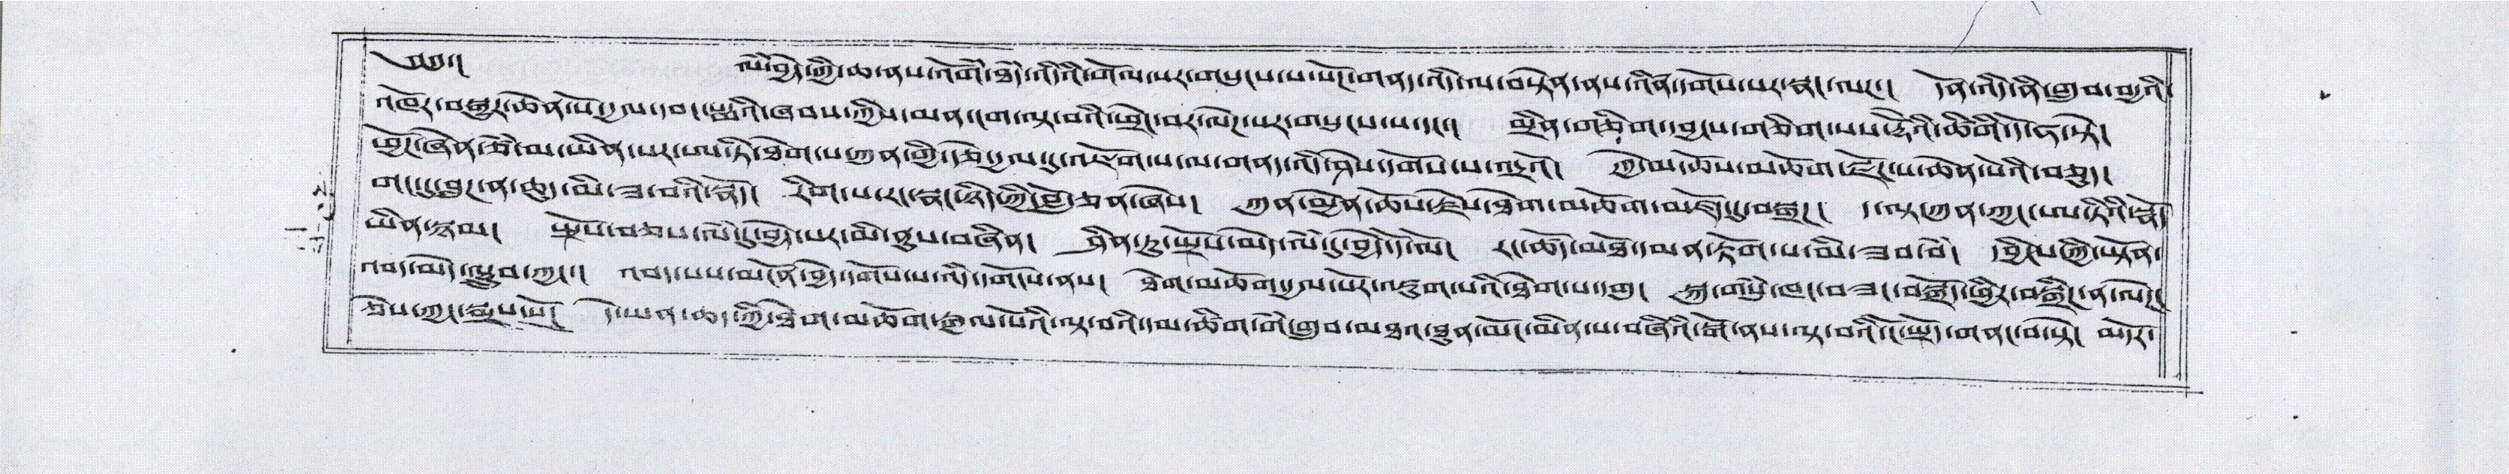ལམ་བྱེད་ཀྱི་ཆ་ནས་འགོམ་ཐམས་ཅད་འདིའི་གོལ་སར་གསུངས་པ་སོགས་གནད་འདི་ལ་བསྟེན་ནས་འཛིན་དགོས་པར་སྣང་ལགས། དོན་འདི་ནི་གྲུབ་བརྒྱའི་
འཁོར་བསྒྱུར་ཆེན་པོ་རྒྱལ་དབང་པདྨའི་ཞབས་ཀྱིས་མན་ངག་ལྟ་བའི་ཕྲེང་བར་ལེགས་པར་གསུངས་པ་དང། མགྲིན་གཅིག་དབྱངས་གཅིག་པས་རྡོ་རྗེའི་ཚིག་གི་དོ་ཧ་སྟེ། 
ཕྱོགས་ཞེན་ཙམ་མ་ཡིན་པར་ཨ་ཏི་ཐེག་པ་ཀུན་གྱི་རྩེ་རྒྱལ་དུ་འཇོག་པ་ལ་གནད་འདི་ཤེས་དགོས་པ་འདྲའོ། ཀྱེ་མ་ཆོས་མཆོག་རྫོགས་པ་ཆེན་པོའི་བཅུད། 
གང་དུ་བླུགས་ན་ཆུད་མི་ཟ་བའི་སྣོད། རིག་པ་རང་སྣང་ཉིད་ཀྱི་བློ་ཅན་ཞེས། ཀུན་མཁྱེན་ཆོས་རྗེས་ཐེག་མཆོག་མཛོད་དུ་བསྒྲགས། ད་ལྟ་ཀུན་ཀྱང་ཨ་ཏིའི་སྣོད་
ཡིན་སྙམ། སྤྲོས་བཙས་ལམ་དུ་བྱེད་པར་མི་ནུས་བཞིན། ཤིན་ཏུ་སྤྲོས་མེད་ལམ་དུ་བྱེད་དོ་ལོ། རང་ཚོད་མཐོ་དམན་རྟོག་པ་མི་ཟབ་བམ། དབྱིངས་ཀྱི་ཡོན་ཏན་
འབད་མེད་ལྷུན་གྲུབ་ཀྱང། འབད་པས་མངོན་བྱེད་དགོས་པ་འདི་དགོངས་ནས། ཐེག་མཆོག་རྒྱལ་པོར་འཇུག་པའི་ཐེག་པ་དགུ། སྐུ་གསུམ་ཁང་བཟང་བསྒྲོད་ཕྱིར་བསྒྲིགས་ན་ལེགས་
ཅེས་ཀྱང་སྨྲས་སོ། དེ་ཡན་ཆད་ཀྱི་ཐེག་མཆོག་རྒྱལ་པོའི་ལྟ་བའི་དམ་ཚིག་གམ་གྲུབ་མཐའ་ཐུན་མོང་མིན་པ་བཞིའི་སྒོ་ནས་ལྟ་བའི་ངོ་སྤྲོད་གནང་བ་སྟེ། མདོར་